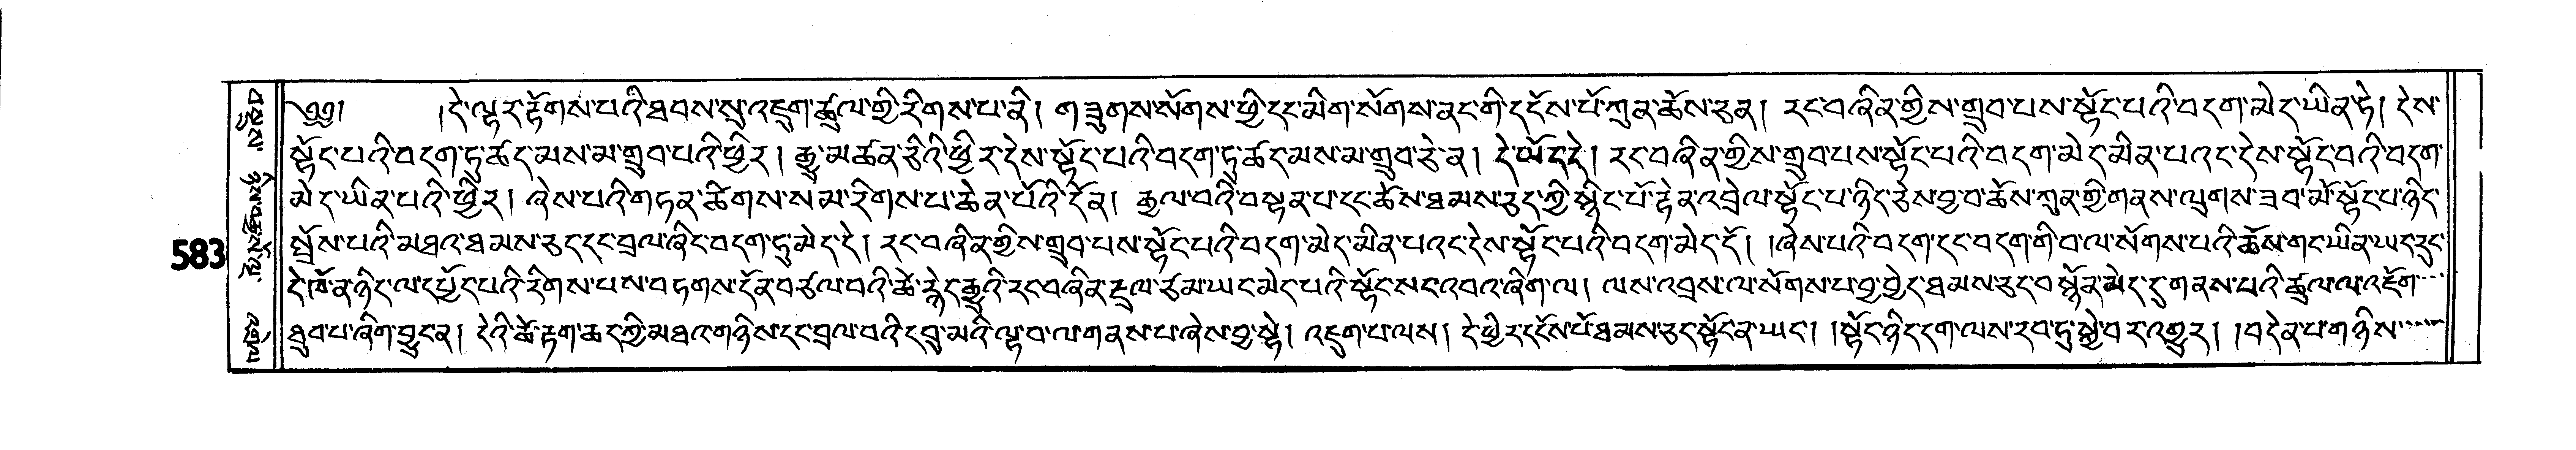༄༅། །དེ་ལྟར་རྟོགས་པའི་ཐབས་སུ་འཇུག་ཚུལ་གྱི་རིགས་པ་ནི། གཟུགས་སོགས་ཕྱི་དང་མིག་སོགས་ནང་གི་དངོས་པོ་ཀུན་ཆོས་ཅན། རང་བཞིན་གྱིས་གྲུབ་པས་སྟོང་པའི་བདག་མེད་ཡིན་ཏེ། དེས་
སྟོང་པའི་བདག་ཏུ་ཚད་མས་མ་གྲུབ་པའི་ཕྱིར་རྒྱུ་མཚན་ཅིའི་ཕྱིར་དེས་སྟོང་པའི་བདག་ཏུ་ཚད་མས་མ་གྲུབ་ཅེ་ན། དེ་ཡོད་དེ། རང་བཞིན་གྱིས་གྲུབ་པས་སྟོང་པའི་བདག་མེད་མིན་པའང་དེས་སྟོང་པའི་བདག་
མེད་ཡིན་པའི་ཕྱིར། ཞེས་པའི་གཏན་ཚིགས་སམ་རིགས་པ་ཆེན་པོའི་དོན། རྒྱལ་བའི་བསྟན་པ་དང་ཆོས་ཐམས་ཅད་ཀྱི་སྙིང་པོ་རྟེན་འབྲེལ་སྟོང་པ་ཉིད་ཅེས་བྱ་བ་ཆོས་ཀུན་གྱི་གནས་ལུགས་ཟབ་མོ་སྟོང་པ་ཉིད་
སྤྲོས་པའི་མཐའ་ཐམས་ཅད་དང་བྲལ་ཞིང་བདག་ཏུ་མེད་དེ། རང་བཞིན་གྱིས་གྲུབ་པས་སྟོང་པའི་བདག་མེད་མིན་པའང་དེས་སྟོང་པའི་བདག་མེད་དོ། །ཞེས་པའི་བདག་དང་བདག་གི་བ་ལ་སོགས་པའི་ཆོས་གང་ཡིན་ཡང་རུང་
དེ་ཁོ་ན་ཉིད་ལ་དཔྱོད་པའི་རིགས་པས་བཏགས་དོན་བཙལ་བའི་ཚེ་རྙེད་རྒྱུའི་རང་བཞིན་རྡུལ་ཙམ་ཡང་མེད་པའི་སྟོང་སང་འབའ་ཞིག་ལ། ལས་འབྲས་ལ་སོགས་པ་བྱ་བྱེད་ཐམས་ཅད་བསྙོན་མེད་དུ་གནས་པའི་ཚུལ་ལ་འཇོག་
ཐུབ་པ་ཞིག་བྱུང་ན། དེའི་ཚེ་རྟག་ཆད་ཀྱི་མཐའ་གཉིས་དང་བྲལ་བའི་དབུ་མའི་ལྟ་བ་ལ་གནས་པ་ཞེས་བྱ་སྟེ། འཇུག་པ་ལས། དེ་ཕྱིར་དངོས་པོ་ཐམས་ཅད་སྟོང་ན་ཡང་། །སྟོང་ཉིད་དག་ལས་རབ་ཏུ་སྐྱེ་བར་འགྱུར། །བདེན་པ་གཉིས་